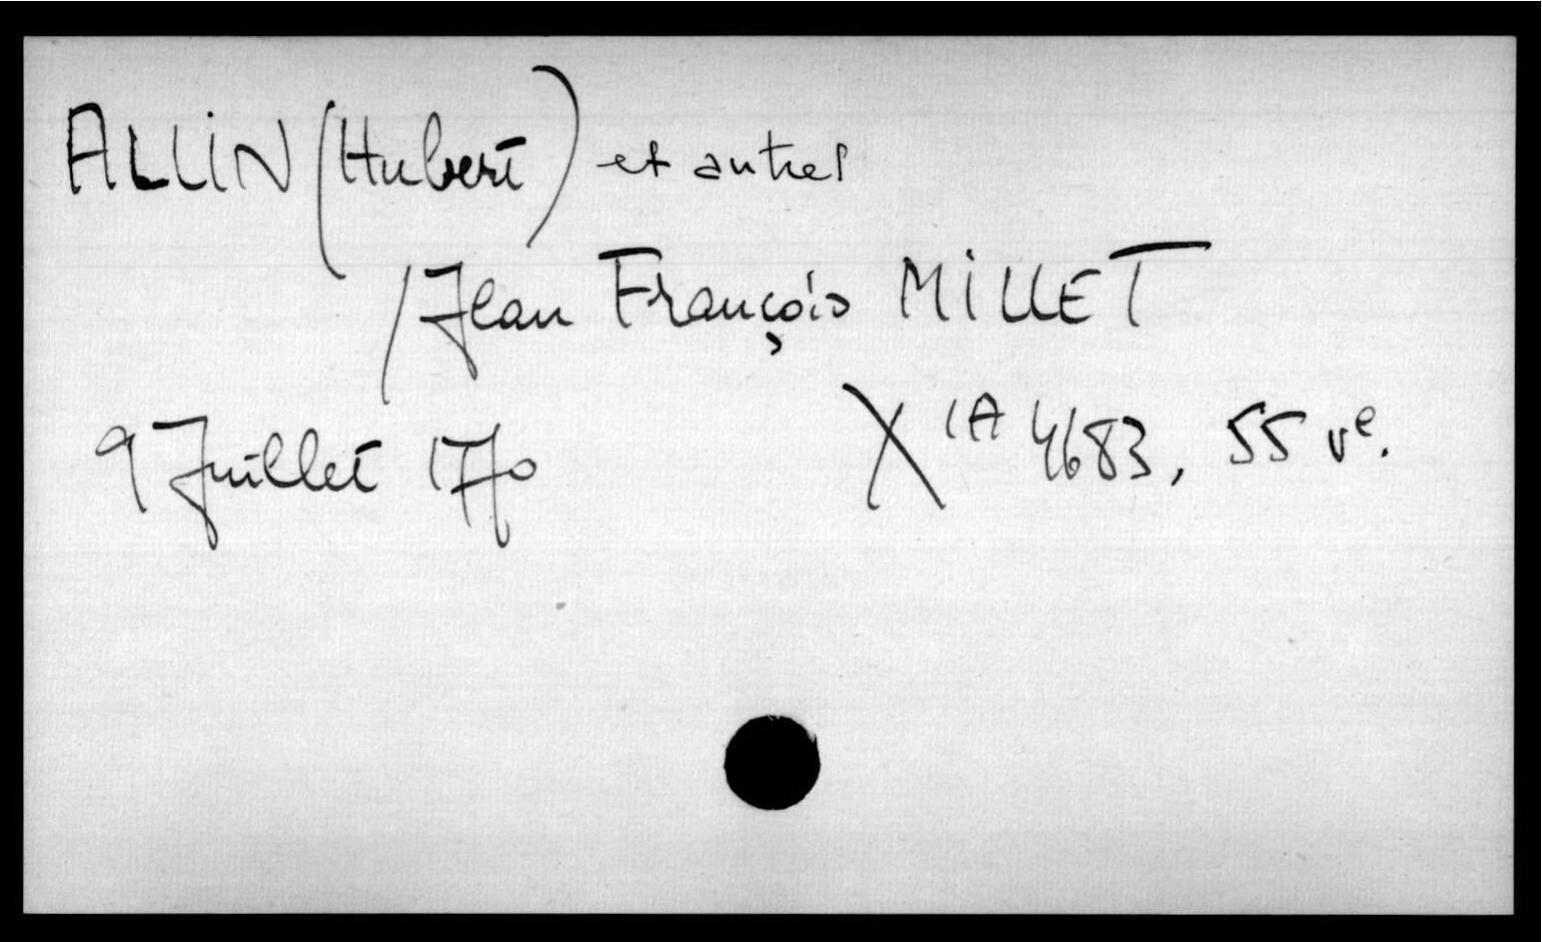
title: ALLIN (Hubert) et autres
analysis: Contre Jean François MILLET
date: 9 juillet 1770
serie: X1A
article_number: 4683
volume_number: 55v
